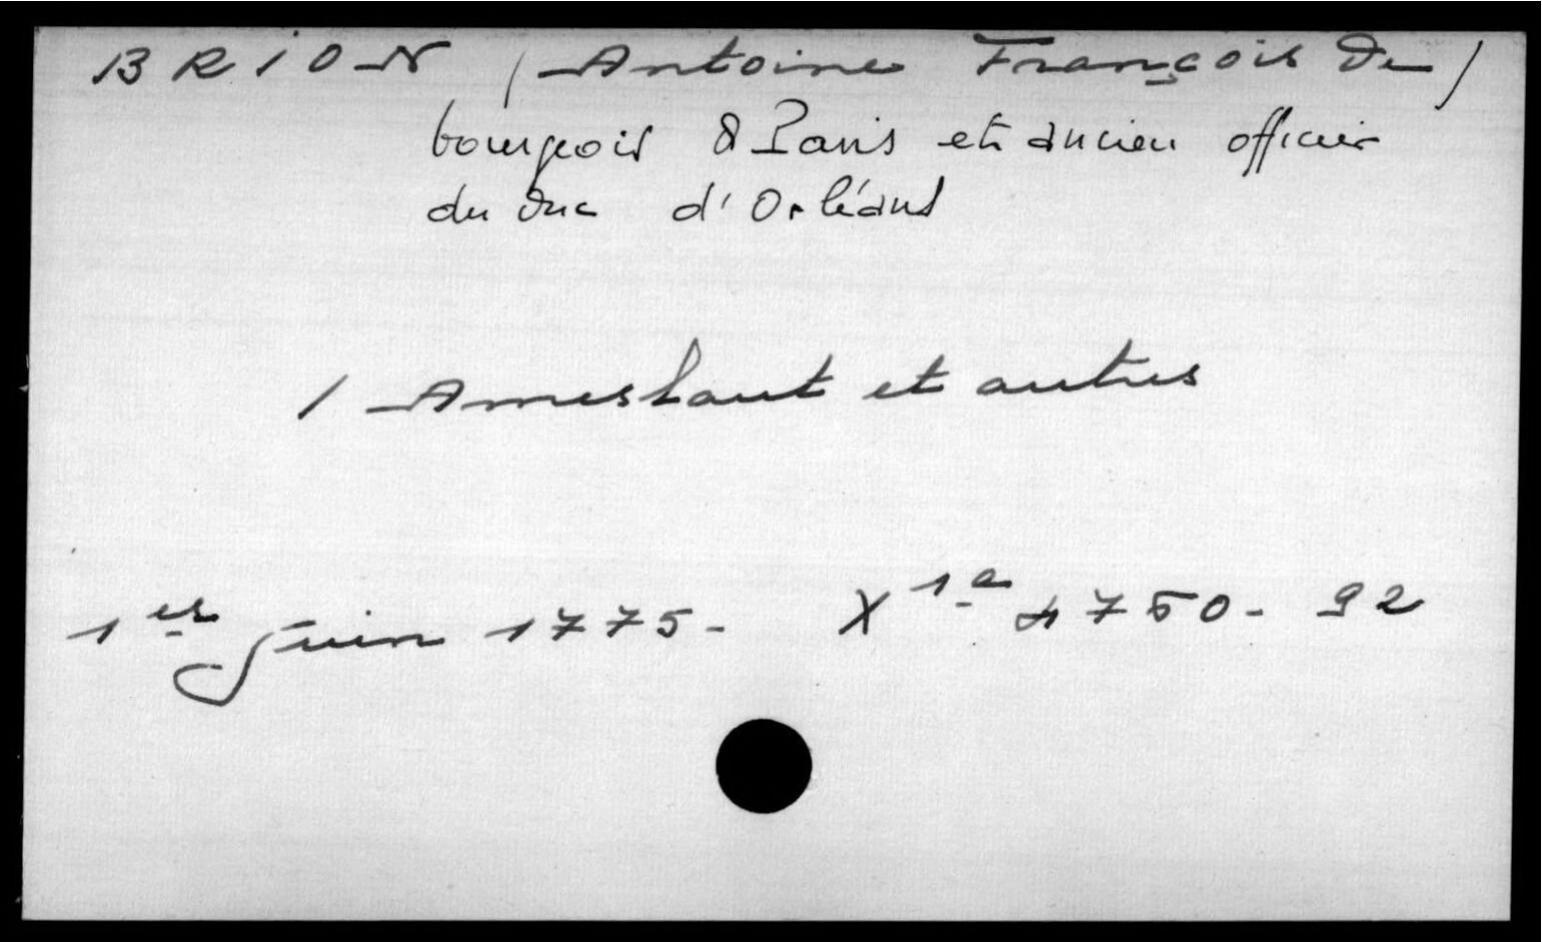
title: BRION (ANTOINE François de) bourgeois de Paris et ancien officier du duc d'Orléans
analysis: Contre Ameslant et autres
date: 1 juin 1775
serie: X1a
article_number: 4760
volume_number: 92
